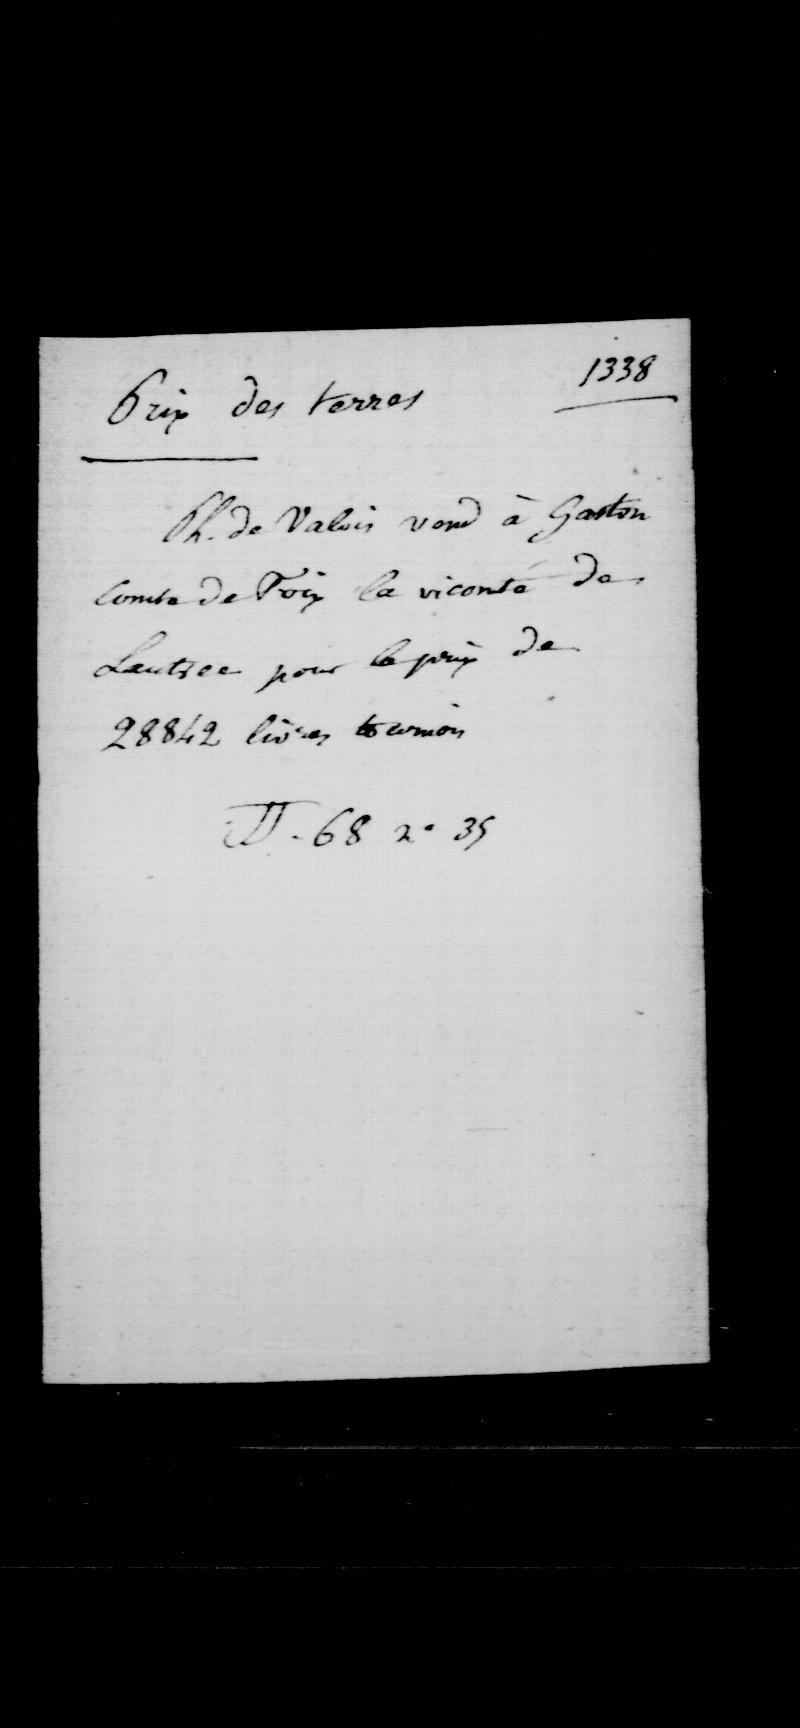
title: Prix des terres
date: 1338
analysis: Philippe de Valois vend à Gaston comte de Foix la vicomté de Lautrec pour le prix de 28842 livres tournois
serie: JJ
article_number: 68
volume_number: n° 35
